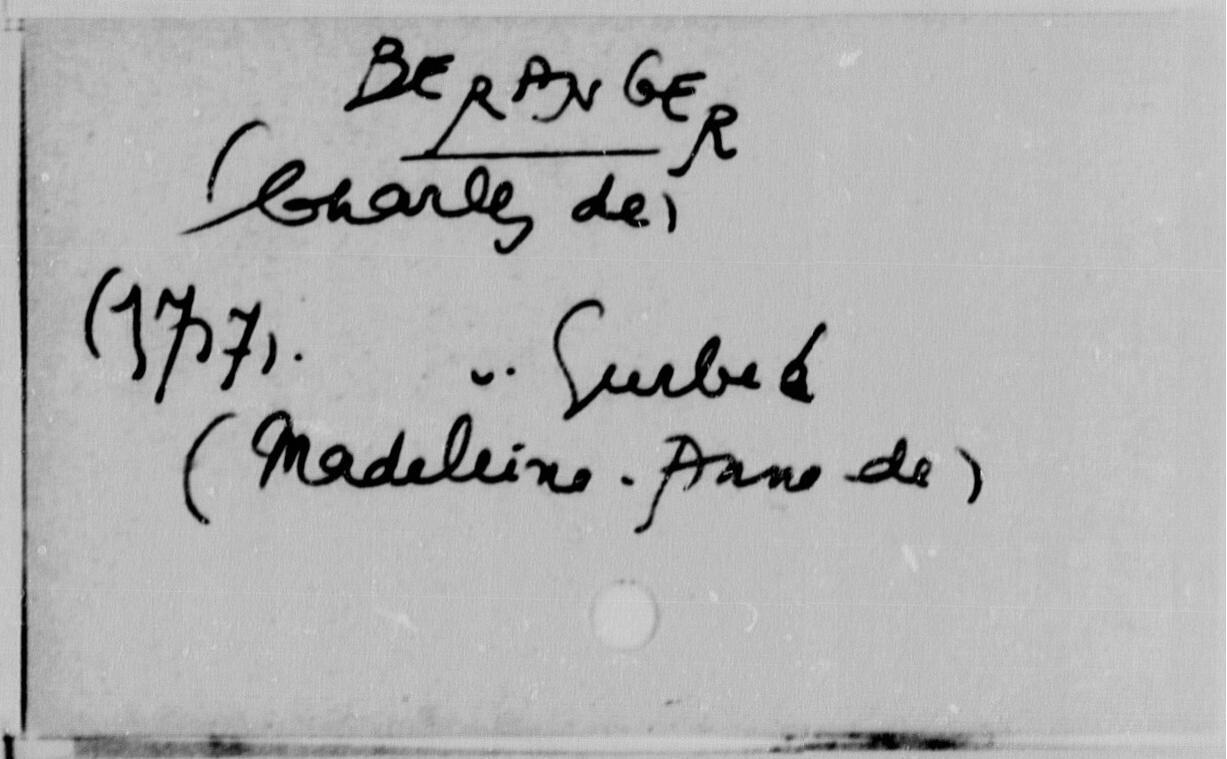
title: BERANGER (Charles de)
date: (1717)
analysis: Voir : SURBEL (Madeleine-Anne de)
